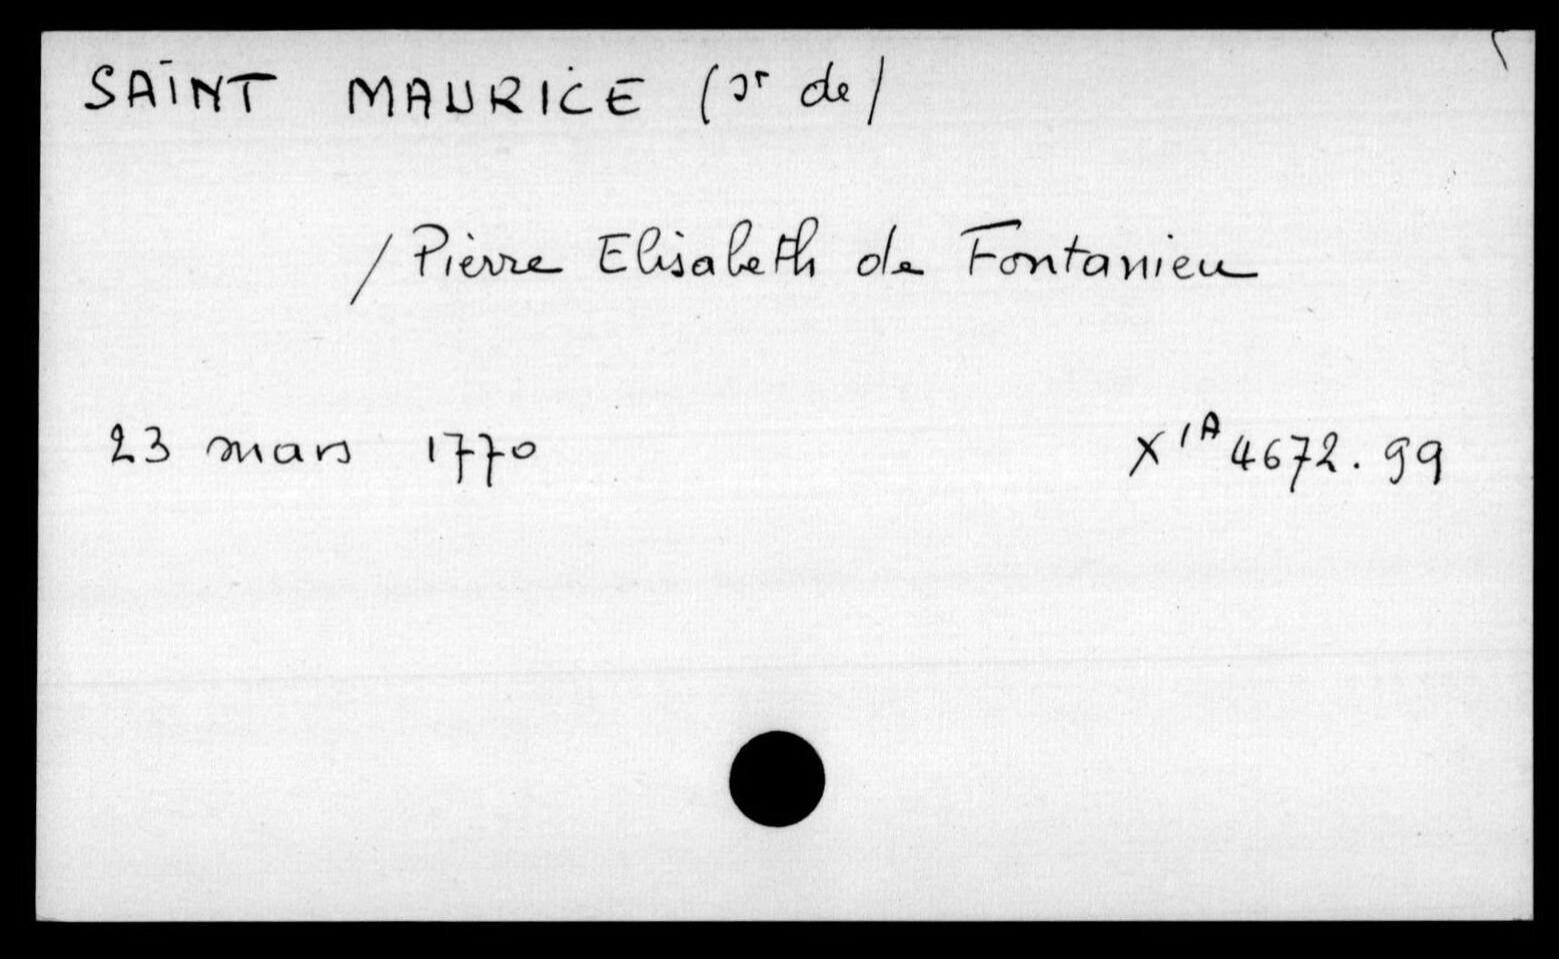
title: SAINT MAURICE (Sieur de)
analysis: Contre Pierre Élisabeth de Fontanieu
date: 23 mars 1770
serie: X1A
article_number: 4672
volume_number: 99
